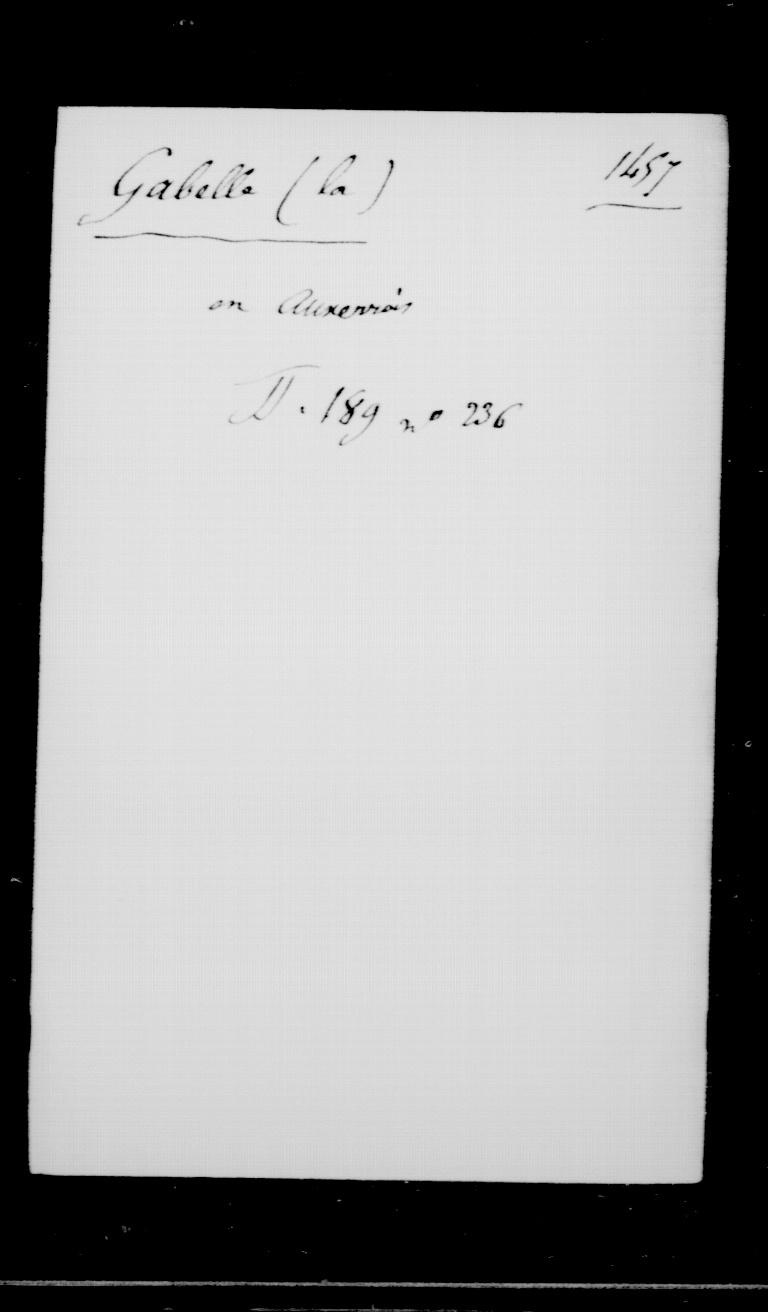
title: Gabelle (la)
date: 1457
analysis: en Auxerrois
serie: JJ
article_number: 189
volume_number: n° 236
